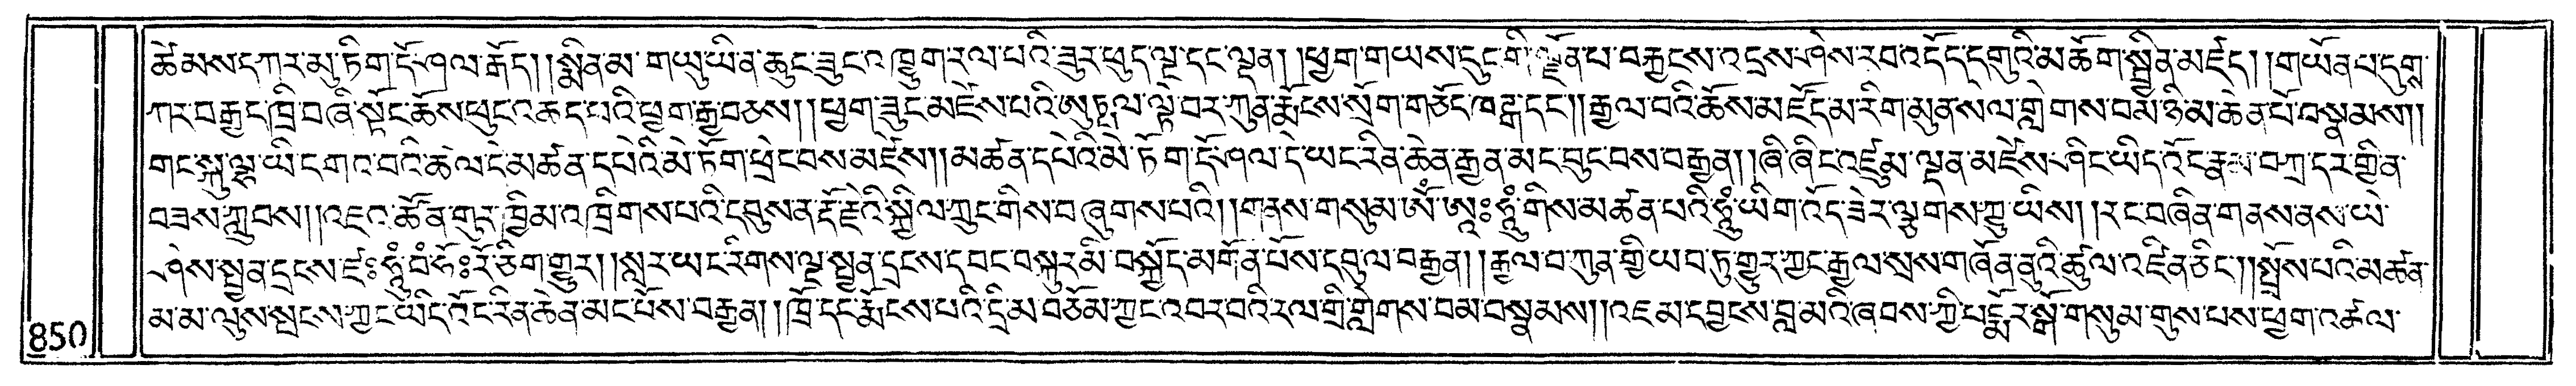ཚེམས་དཀར་མུ་ཏིག་དོ་ཤལ་རྒོད། །སྨིན་མ་གཡུ་ཡི་ན་ཆུང་ཟུང་འཁྱུག་རལ་པའི་ཟུར་ཕུད་ལྔ་དང་ལྡན། །ཕྱག་གཡས་དུང་གི་ལྗོན་པ་བརྐྱངས་འདྲས་ཤེས་རབ་འདོད་དགུའི་མཆོག་སྦྱིན་མཛད། །གཡོན་པ་དུགས་
ཀར་བརྒྱད་ཁྲི་བཞི་སྟོང་ཆོས་ཕུང་འཆད་པའི་ཕྱག་རྒྱ་བཅས། །ཕྱག་ཟུང་མཛེས་པའི་ཨུཏྤལ་ལྟེ་བར་ཀུན་རྨོངས་སྲོག་གཅོང་ཁཌྒ་དང་། །རྒྱལ་བའི་ཆོས་མཛོད་མ་རིག་མུན་སེལ་གླེགས་བམ་ཉི་མ་ཆེན་པོ་བསྣམས།།
གང་སྐུ་ལྷ་ཡི་དགའ་བའི་ཚལ་དེ་མཚན་དཔེའི་མེ་ཏོག་ཕྲེང་བས་མཛེས། །མཚན་དཔེའི་མེ་ཏོག་དོ་ཤལ་དེ་ཡང་རིན་ཆེན་རྒྱན་མང་བུང་བས་བརྒྱན། །ཞི་ཞིང་འཛུམ་ལྡན་མཛེས་ཤིང་ཡིད་འོང་རྣམ་བཀྲ་དར་གྱི་ན་
བཟས་ཀླུབས། །འཇའ་ཚོན་གུར་ཁྱིམ་འཁྲིགས་པའི་དབུས་ན་རྡོ་རྗེའི་སྐྱིལ་ཀྲུང་གིས་བཞུགས་པའི། །གནས་གསུམ་ཨོཾ་ཨཱཿ ཧཱུཾ་གིས་མཚན་པའི་ཧཱུཾ་ཡིག་འོད་ཟེར་ལྕགས་ཀྱུ་ཡིས། །རང་བཞིན་གནས་ནས་ཡེ་
ཤེས་སྤྱན་དྲངས་ཛཿ ཧཱུཾ་བཾ་ཧོཿ རོ་ཅིག་གྱུར། །སླར་ཡང་རིགས་ལྔ་སྤྱན་དྲངས་དབང་བསྐུར་མི་བསྐྱོད་མགོན་པོས་དབུ་ལ་བརྒྱན། །རྒྱལ་བ་ཀུན་གྱི་ཡབ་ཏུ་གྱུར་ཀྱང་རྒྱལ་སྲས་གཞོན་ནུའི་ཚུལ་འཛིན་ཅིང་། །སྤྲོས་པའི་མཚན་
མ་མ་ལུས་སྤངས་ཀྱང་ཡིད་འོང་རིན་ཆེན་མང་པོས་བརྒྱན། །ཁྲོ་དང་རྨོངས་པའི་དྲི་མ་བཅོམ་ཀྱང་འབར་བའི་རལ་གྲི་གླེགས་བམ་བསྣམས། །འཇམ་དབྱངས་བླ་མའི་ཞབས་ཀྱི་པདམོར་སྒོ་གསུམ་གུས་པས་ཕྱག་འཚལ་